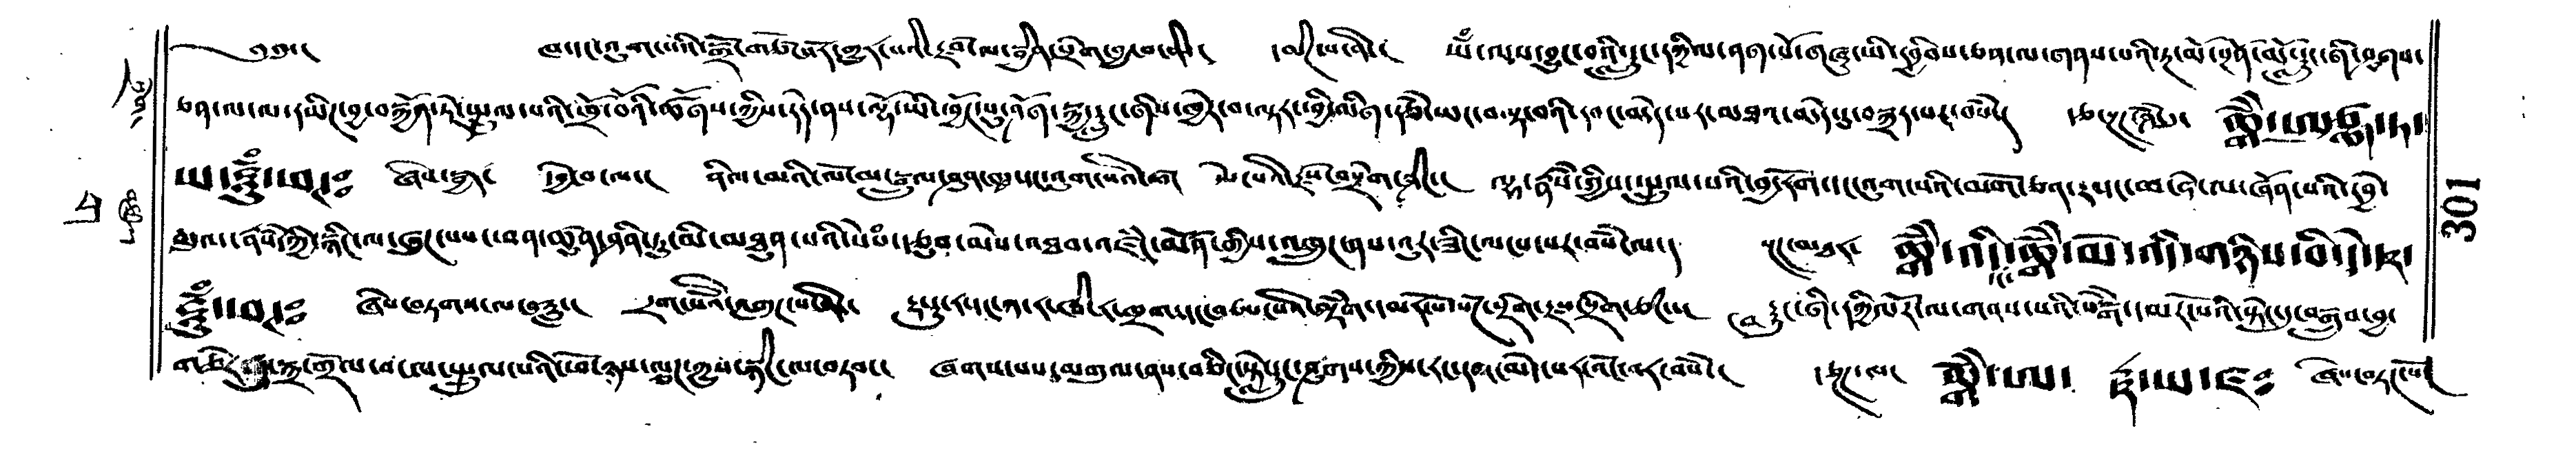ཁྭ་དང་འུག་པའི་སྒྲོ་གཙོ་བོར་གྱུར་པའི་རྫས་ལ་སྦྱིན་སྲེག་བྱ་བ་ནི། དམིགས་པ་ནི། ཡྃ་ལས་བྱུང་བའི་རླུང་དཀྱིལ་ནག་པོ་གཞུ་ཡི་དབྱིབས་ཅན་ལ་གནས་པའི་རྔ་མོ་སྔོན་མོ་རླུང་གི་ཤུགས་
ཅན་ལ་དམིགས་བྱ་བསྐྱོན་ཏེ་སྤྲུལ་པའི་ཁྲོ་བོའི་ཚོགས་ཀྱིས་དེད་ནས་ལྷོ་ཡི་ཕྱོགས་སུ་ཤོག་སྐྱ་རླུང་གིས་ཁྱེར་བ་ལྟར་ཕྱི་མིག་ཙམ་ཡང་བལྟ་བའི་དབང་མེད་པར་མཐའ་མེད་དུ་བསྐྲད་པར་བསམ། རྩ་སྔགས་ཤམ་དུ། ཆེ་གེ་མོ་སུཙྪ་ཏ་
ཡ་ཧཱུྃ་ཕཊཿ ཞེས་སྦྱར། དབྱེ་བ་ལ། ནེལ་མའི་ལོ་མ་སྦྲུལ་ཤུན་ཁྭ་དང་འུག་པའི་ཚང་ནས་བྱུང་པའི་རྫས་བསྲེག་ཅིང་། ལྷ་རྣམས་ཀྱིས་སྤྲུལ་པའི་བྱ་རོག་དང་འུག་པའི་མགོ་ཅན་ར་དང་མ་ཧེ་ལ་ཞོན་པ་དབྱེ་
ཡུལ་རྣམས་ཀྱི་སྙིང་ལ་ཞུགས་པས་ཕན་ཚུན་ཤིན་ཏུ་མི་མཐུན་པའི་སེམས་རྩུབ་མོས་འཐབ་འཛིང་མཚོན་གྱིས་འཁྲུགས་ནས་འུར་ཟིང་ལངས་པར་བསམ་ལ། སྔགས་མཐར། ཆེ་གེ་མོ་འདི་དང་ཆེ་གེ་མོ་འདི་གཉིས་བི་དེ་ར་
ཧཱུྃ་ཕཊ༔ཞེས་བཏགས་ལ་བཟླ། དྲག་པོའི་འགུགས་པ་ནི། དྷ་དྷུ་ར་དང་ཀ་ར་ཝི་ར་ཁྲག་དང་བཅས་པའི་མེ་ཏོག་དམར་པོ་སོགས་སྲེག་རྫས་སྲེག་ཅིང་། རླུང་གི་དཀྱིལ་འཁོར་ལ་གནས་པའི་སེངྒེ་དམར་པོའི་སྟེང་དུ་སྒྲུབ་བྱ་
གཅེར་པུ་སྐྲ་གྲོལ་བ་ལ་སྤྲུལ་པའི་ཕོ་ཉས་ལྕགས་ཀྱུས་སྙིང་ལ་བཏབ། ཞགས་པས་མགུལ་ནས་བཅིངས་ཏེ་རླུང་ཤུགས་ཀྱིས་རང་དབང་མེད་པར་འོང་བར་བསམ། རྩ་སྔགས་ལ། ཆེ་གེ་མོ་ཨ་ཀར་ར་ཡ་ཛ༔ ཞེས་བཏགས་སོ།།